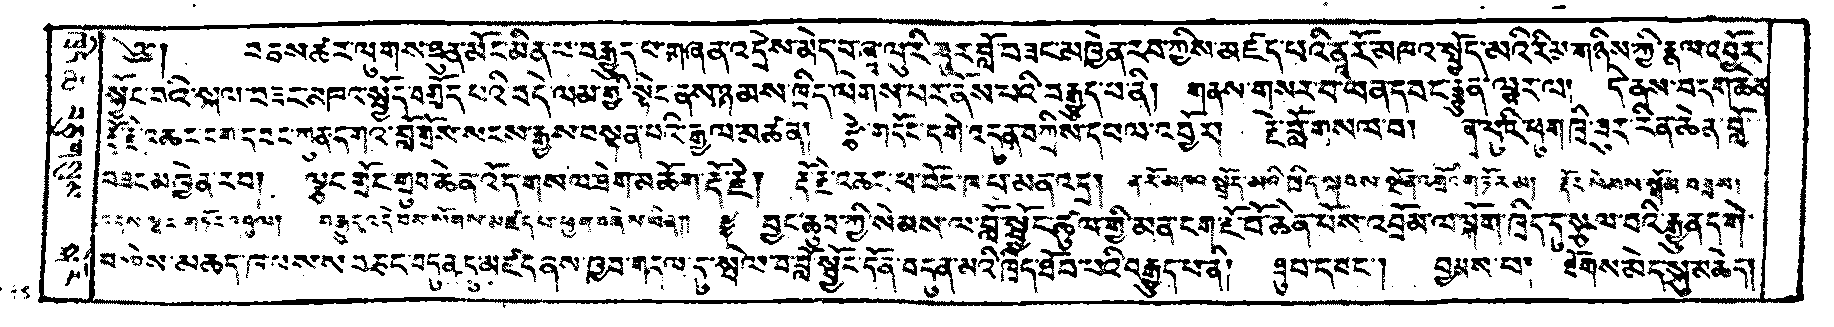༄༅། །བཅས་ཚར་ལུགས་ཐུན་མོང་མིན་པ་བརྒྱུད་པ་གཞན་འདྲེས་མེད་པ་ཞཱ་ལུ་རི་ཟུར་བློ་བཟང་མཁྱེན་རབ་ཀྱིས་མཛད་པའི་ནཱ་རོ་མཁའ་སྤྱོད་མའི་རིམ་གཉིས་ཀྱི་རྣལ་འབྱོར་
སྐྱོང་བའི་སྐལ་བཟང་མཁའ་སྤྱོད་བགྲོད་པའི་བདེ་ལམ་གྱི་སྟེང་ནས་ཉམས་ཁྲིད་ལེགས་པར་ནོས་པའི་བརྒྱུད་པ་ནི། གནས་གསར་བ་ཡན་དབང་རྒྱུན་ལྟར་ལ། དེ་ནས་བདག་ཆེན་
རྡོ་རྗེ་འཆང་ངག་དབང་ཀུན་དགའ་བློ་གྲོས་སངས་རྒྱས་བསྟན་པའི་རྒྱལ་མཚན། རྩེ་གདོང་དགེ་འདུན་བཀྲིས་དཔལ་འབྱོར། རྗེ་བློ་གསལ་བ། ཞྭ་ལུའི་ཕུག་ཁྲི་ཟུར་རིན་ཆེན་བློ་
བཟང་མཁྱེན་རབ། ལྕང་གྲོང་གྲུབ་ཆེན་འོད་གསལ་ཐེག་མཆོག་རྡོ་རྗེ། རྡོ་རྗེ་འཆང་ཕ་བོང་ཁ་པ་མན་འདྲ། ན་རོ་མཁའ་སྤྲོད་མའི་ཁྲིད་སྐབས་སྔོན་འགྲོའི་གཏོར་མ། རྡོར་སེམས་སྒོམ་བཟླས།
འདས་ལྷར་གཏོར་འབུལ། བརྒྱུད་འདེབས་སོགས་མཛད་པ་ཕྱག་བཞེས་ཡིན།། ༈ བྱང་ཆུབ་ཀྱི་སེམས་ལ་བློ་སྦྱོང་ཚུལ་གྱི་མན་ངག་ཇོ་བོ་ཆེན་པོས་འབྲོམ་ལ་ལྐོག་ཁྲིད་དུ་སྩལ་བའི་རྒྱུན་དགེ་
བཤེས་མཆད་ཁ་པས་ས་བཅད་བདུན་དུ་མཛད་ནས་ཁྱབ་གདལ་དུ་སྤེལ་བ་བློ་སྦྱོང་དོན་བདུན་མའི་ཁྲིད་ཐོབ་པའི་བརྒྱུད་པ་ནི། ཐུབ་དབང་། བྱམས་པ། ཐོགས་མེད་སྐུ་མཆེད།